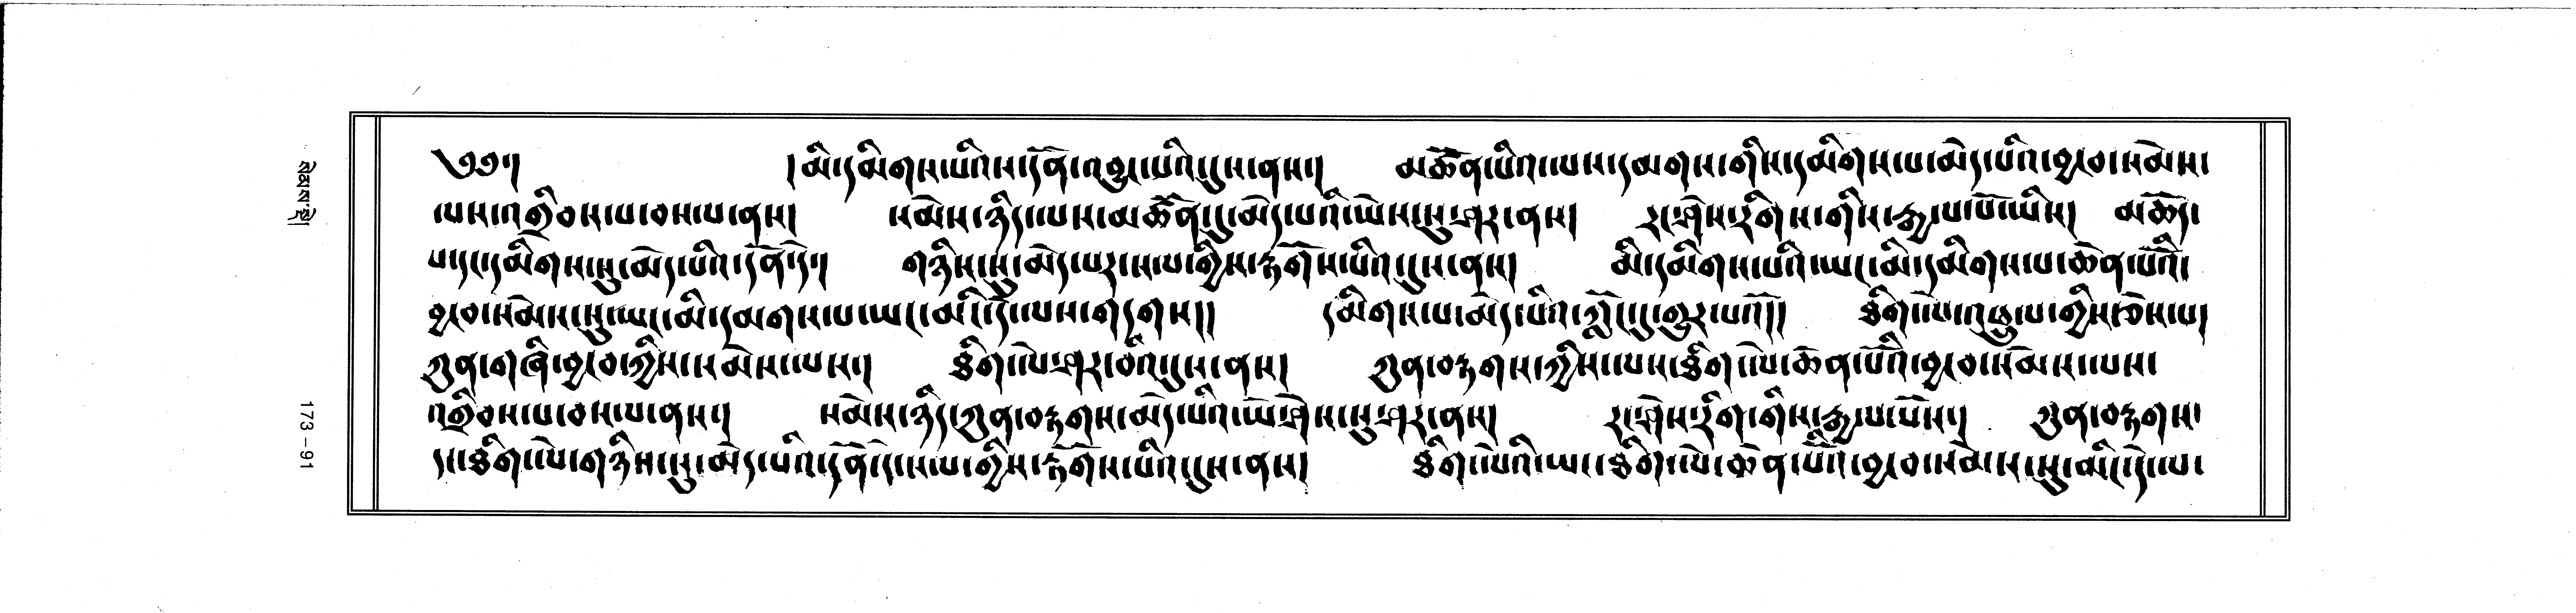མི་དམིགས་པའི་དོན་འབྱུང་བའི་དུས་ནས། མཚོན་པའི་ལས་དམག་གིས་དམིགས་པ་མེད་པའི་བྱང་ཆུབ་སེམས་
ལས་འགྲིབ་པ་བསལ་ནས། སེམས་ཉིད་ལས་མཚོན་དུ་མེད་པའི་ཡེ་ཤེས་སུ་ཤར་ནས། རང་ཤེས་རིག་གི་རྒྱལ་པོ་ཡིས། མཆོད་
པ་དང་དམིགས་སུ་མེད་པའི་དོན་དེ། གཉིས་སུ་མེད་པར་སལ་གྱིས་རྟོགས་པའི་དུས་ན། མི་དམིགས་པའི་ཡང་མི་དམིགས་པ་ཆེན་པོའི་
བྱང་ཆུབ་སེམས་སུ་ཡང་མི་དམིགས་པ་ཡང་མིང་དེ་ལས་གདགས། དམིགས་པ་མེད་པའི་ཀློང་དུ་གྱུར་པའོ། །ཐིག་ལེ་འཕྲུལ་གྱིས་ཅེས་པ། 
ཀུན་གཞི་བྱང་ཆུབ་ཀྱི་སེམས་ལས། ཐིག་ལེ་ཤར་བའི་དུས་ནས། ཀུན་བརྟགས་ཀྱིས་ལས་ཐིག་ལེ་ཆེན་པོའི་བྱང་ཆུབ་སེམས་ལས་
འགྲིབས་པ་བསལ་ནས། སེམས་ཉིད་ཀུན་བརྟགས་མེད་པའི་ཡེ་ཤེས་སུ་ཤར་ནས། རང་ཤེས་རིག་གི་རྒྱལ་པོས། ཀུན་བརྟགས་
དང་ཐིག་ལེ་གཉིས་སུ་མེད་པའི་དོན་དེ་སལ་གྱིས་རྟོགས་པའི་དུས་ན། ཐིག་ལེའི་ཡང་ཐིག་ལེ་ཆེན་པོ་བྱང་ཆུབ་སེམས་སུ་མིང་དེ་ལ་